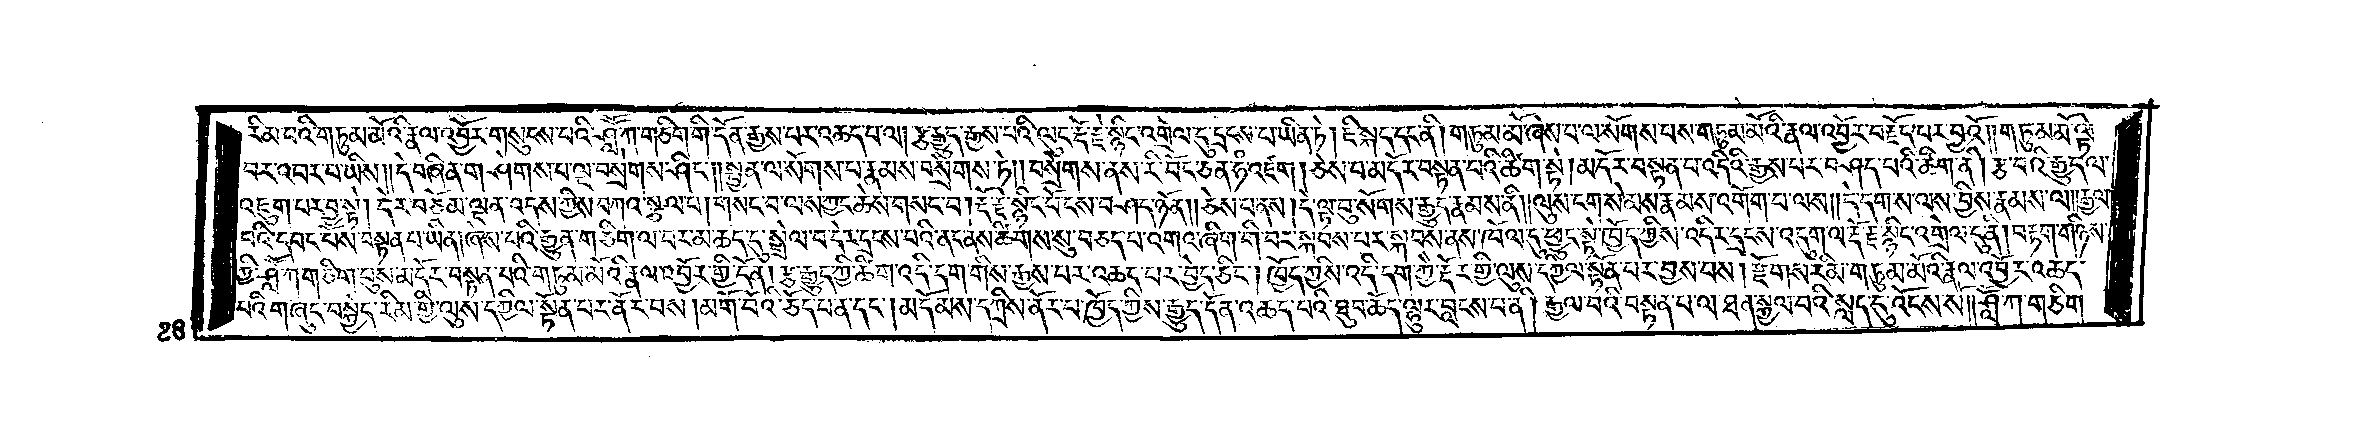རིམ་པའི་གཏུམ་མོའི་རྣལ་འབྱོར་གསུངས་པའི་ཤོ་ལོ་ཀ་གཅིག་གི་དོན་རྒྱས་པར་འཆད་པ་ལ། རྩ་རྒྱུད་རྒྱས་པའི་ལུང་རྡོ་རྗེ་སྙིང་འགྲེལ་དུ་དྲངས་པ་ཡིན་ཏེ། ཇི་སྐད་དང་ནི། གཏུམ་མོ་ཞེས་པ་ལ་སོགས་པས་གཏུམ་མོའི་རྣལ་འབྱོར་བརྗོད་པར་བྱའོ། །གཏུམ་མོ་ལྟེ་
བར་འབར་བ་ཡིས། །དེ་བཞིན་གཤེགས་པ་ལྔ་བསྲེགས་ཤིང་། །སྤྱན་ལ་སོགས་པ་རྣམས་བསྲེགས་ཏེ། །བསྲེགས་ནས་རི་བོང་ཅན་ཧཾ་འཛག །ཅེས་པ་མདོར་བསྟན་པའི་ཚིག་སྟེ། མདོར་བསྟན་པ་འདིའི་རྒྱས་པར་བཤད་པའི་ཚིག་ནི། རྩ་བའི་རྒྱུད་ལ་
འཇུག་པར་བྱ་སྟེ། དེར་བཅོམ་ལྡན་འདས་ཀྱིས་བཀའ་སྩལ་པ། གསང་བ་ལས་ཀྱང་ཆེས་གསང་བ། རྡོ་རྗེ་སྙིང་པོ་ངས་བཤད་ཉོན། །ཅེས་པ་ནས། དེ་ལྟ་བུ་སོགས་རྒྱུད་རྣམས་ནི། །ལུས་ངག་སེམས་རྣམས་འགོག་པ་ལས། །དེ་དག་ས་ལས་བྱིས་རྣམས་ལ། །རྒྱལ་
བའི་དབང་པོས་བསྟན་པ་ཡིན། ཞེས་པའི་རྒྱུན་གཅིག་ལ་བར་མ་ཆད་དུ་སྒྲེལ་བ་དེར་དྲངས་པའི་ནང་ནས་ཚིགས་སུ་བཅད་པ་འགའ་ཞིག་གི་བར་སྐབས་པར་སྐབས་ནས་ཁོལ་དུ་ཕྱུང་སྟེ་ཁྱོད་ཀྱིས་འདིར་དྲངས་འདུག་ལ་རྡོ་རྗེ་སྙིང་འགྲེལ་དུ་ནི། བརྟག་གཉིས་
ཀྱི་ཤོ་ལོ་ཀ་གཅིག་པུས་མདོར་བསྟན་པའི་གཏུམ་མོའི་རྣལ་འབྱོར་གྱི་དོན། རྩ་རྒྱུད་ཀྱི་ཚིག་འདི་དག་གིས་རྒྱས་པར་འཆད་པར་བྱེད་ཅིང་། ཁྱོད་ཀྱིས་འདི་དག་ཀྱཻ་རྡོར་གྱི་ལུས་དཀྱིལ་སྟོན་པར་བྱས་པས། རྫོགས་རིམ་གཏུམ་མོའི་རྣལ་འབྱོར་འཆད་
པའི་གཞུང་བསྐྱེད་རིམ་གྱི་ལུས་དཀྱིལ་སྟོན་པར་ནོར་བས། མགོ་བོའི་ཅོད་པན་དང་། མདོམས་དཀྲིས་ནོར་པ་ཁྱོད་ཀྱིས་རྒྱུད་དོན་འཆད་པའི་ཐུབ་ཆད་ལྷུར་བླངས་པ་ནི། རྒྱལ་བའི་བསྟན་པ་ལ་ཐན་སྐྱལ་བའི་སླད་དུ་འོངས་སོ། །ཤོ་ལོ་ཀ་གཅིག་